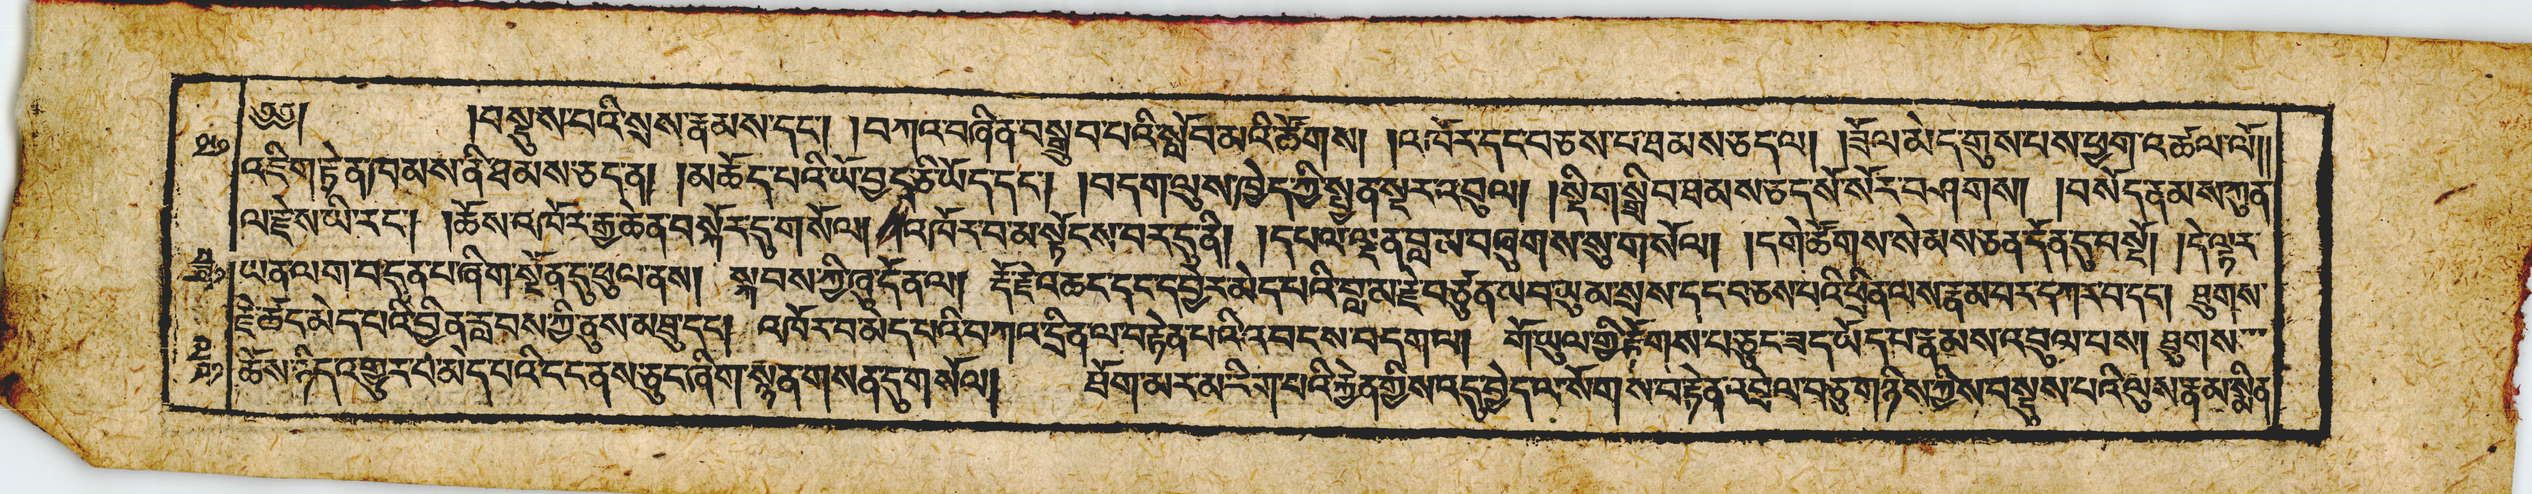བསྡུས་པའི་སྲས་རྣམས་དང་། །བཀའ་བཞིན་བསྒྲུབ་པའི་སློབ་མའི་ཚོགས། །འཁོར་དང་བཅས་པ་ཐམས་ཅད་ལ། །ཟོལ་མེད་གུས་པས་ཕྱག་འཚལ་ལོ།། 
འཇིག་རྟེན་ཁམས་ནི་ཐམས་ཅད་ན། །མཆོད་པའི་ཡོ་བྱད་ཅི་ཡོད་དང་། །བདག་ལུས་ཁྱེད་ཀྱི་སྤྱན་སྔར་འབུལ། །སྡིག་སྒྲིབ་ཐམས་ཅད་སོ་སོར་བཤགས། །བསོད་ནམས་ཀུན་
ལ་རྗེས་ཡི་རང་། །ཆོས་འཁོར་རྒྱ་ཆེན་བསྐོར་དུ་གསོལ། འཁོར་བ་མ་སྟོངས་བར་དུ་ནི། །དཔལ་ལྡན་བླ་མ་བཞུགས་སུ་གསོལ། །དགེ་ཚོགས་སེམས་ཅན་དོན་དུ་བསྔོ། །དེ་ལྟར་
ཟླ། ཡན་ལག་བདུན་པ་ཞིག་སྔོན་དུ་ཕུལ་ནས། སྐབས་ཀྱི་ཞུ་དོནལ། རྡོ་རྗེའཆར་དང་དབྱེར་མེད་པའི་བླ་མརྗེ་བཙུན་ཡང་ཡུམ་སྲས་དང་བཅས་པའི་ཕྲིན་ལས་རྣམ་པར་དཀར་བ་དང་། ཐུགས་
རྗེ་ཚད་མེད་པའི་བྱིན་རླབས་ཀྱི་ནུས་མཐུ་དང། འཁོར་བ་མེད་པའི་བཀའ་དྲིན་ལ་བརྟེན་པའི་འབངས་བདག་ལ། གོ་ཡུལ་གྱི་རྟོགས་པ་ཅུང་ཟད་ཡོད་པ་རྣམས་འབུལ་པས། ཐུགས་
ཆོས་ཉིད་འགྱུར་བ་མེད་པའི་ངང་ནས་ཅུང་ཞིག་སྙན་གསན་དུགསོལ། ཐོག་མར་མ་རིག་པའི་རྐྱེན་གྱིས་འདུ་བྱེད་ལ་སོགས་རྟེན་འབྲེལ་བཅུ་གཉིས་ཀྱིས་བསྡུས་པའི་ལུས་རྣམ་སྨིན་